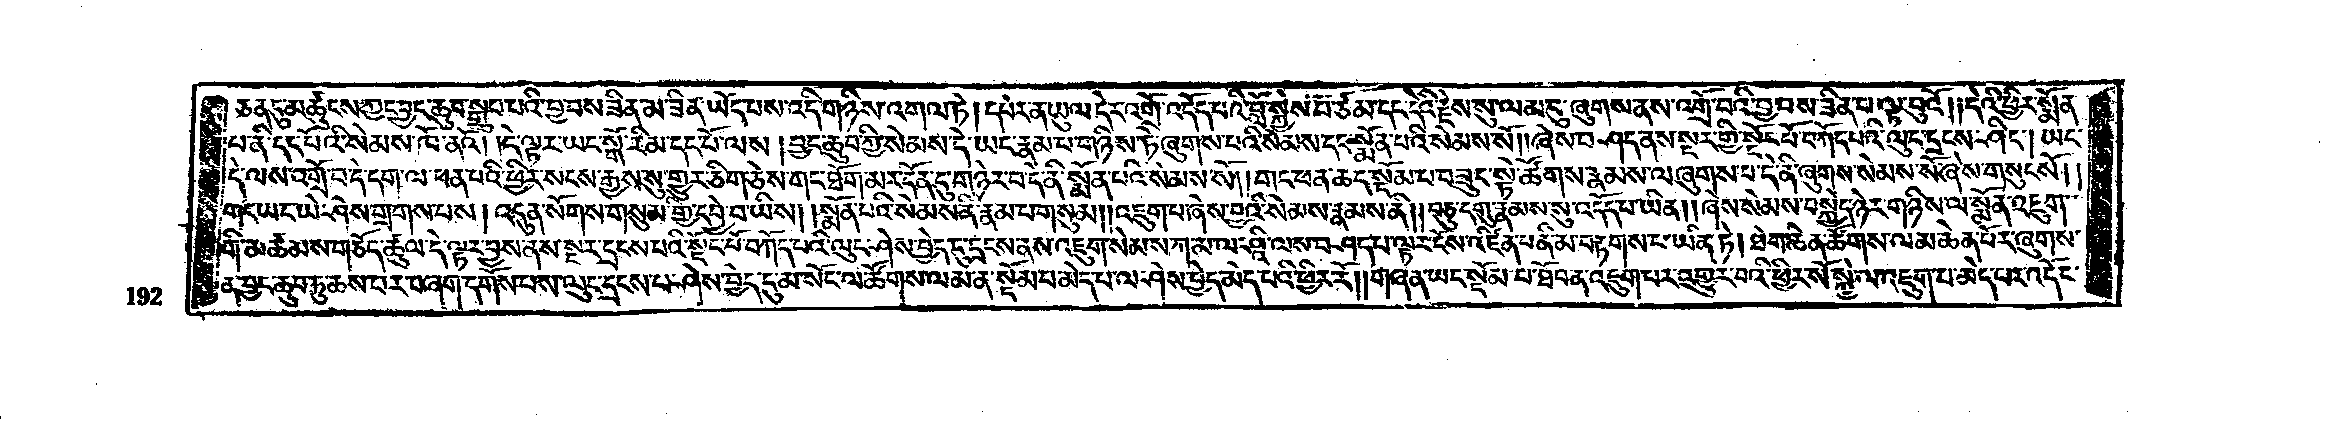ཅན་དུ་མཚུངས་ཀྱང་བྱང་ཆུབ་སྒྲུབ་པའི་བྱ་བས་ཟིན་མ་ཟིན་ཡོད་པས་འདི་གཉིས་འགལ་ཏེ། དཔེར་ན་ཡུལ་དེར་འགྲོ་འདོད་པའི་བློ་སྐྱེས་པ་ཙམ་དང་དེའི་རྗེས་སུ་ལམ་དུ་ཞུགས་ནས་འགྲོ་བའི་བྱ་བས་ཟིན་པ་ལྟ་བུའོ། །དེའི་ཕྱིར་སྨོན་
པ་ནི་དང་པོའི་སེམས་ཁོ་ནའོ། །དེ་ལྟར་ཡང་སྒོ་རིམ་དང་པོ་ལས། བྱང་ཆུབ་ཀྱི་སེམས་དེ་ཡང་རྣམ་པ་གཉིས་ཏེ་ཞུགས་པའི་སེམས་དང་སྨོན་པའི་སེམས་སོ། །ཞེས་བཤད་ནས་སྔར་གྱི་སྡོང་པོ་བཀོད་པའི་ལུང་དྲངས་ཤིང་། ཡང་
དེ་ལས་འགྲོ་བ་དེ་དག་ལ་ཕན་པའི་ཕྱིར་སངས་རྒྱས་སུ་གྱུར་ཅིག་ཅེས་གང་ཐོག་མར་དོན་དུ་གཉེར་བ་དེ་ནི་སྨོན་པའི་སེམས་སོ། །གང་ཕན་ཆད་སྡོམ་པ་བཟུང་སྟེ་ཚོགས་རྣམས་ལ་ཞུགས་པ་དེ་ནི་ཞུགས་སེམས་སོ་ཞེས་གསུངས་སོ། །
གང་ཡང་ཡེ་ཤེས་གྲགས་པས། འདུན་སོགས་གསུམ་གྱི་དབྱེ་བ་ཡིས། །སྨོན་པའི་སེམས་ནི་རྣམ་པ་གསུམ། །འཇུག་པ་ཞེས་བྱའི་སེམས་རྣམས་ནི། །བཅུ་དགུ་རྣམས་སུ་འདོད་པ་ཡིན། །ཞེས་སེམས་བསྐྱེད་ཉེར་གཉིས་ལ་སྨོན་འཇུག་
གི་མཚམས་གཅོད་ཚུལ་དེ་ལྟར་བྱས་ནས་སྔར་དྲངས་པའི་སྡོང་པོ་བཀོད་པའི་ལུང་ཤེས་བྱེད་དུ་དྲངས་ནས་འཇུག་སེམས་ཀ་མ་ལ་ཤཱི་ལས་བཤད་པ་ལྟར་ངོས་འཛིན་པ་ནི་མ་བརྟགས་པ་ཡིན་ཏེ། ཐེག་ཆེན་ཚོགས་ལམ་ཆེན་པོར་ཞུགས་
ན་བྱང་ཆུབ་ཏུ་ཆས་པར་བཞག་དགོས་པས་ལུང་དྲངས་པ་ཤེས་བྱེད་དུ་མ་སོང་ལ་ཚོགས་ལམ་ན་སྡོམ་པ་མེད་པ་ལ་ཤེས་བྱེད་མེད་པའི་ཕྱིར་རོ། །གཞན་ཡང་སྡོམ་པ་ཐོབ་ན་འཇུག་པར་འགྱུར་བའི་ཕྱིར་སོ་སྐྱེ་ལ་འཇུག་པ་མེད་པར་འདོད་